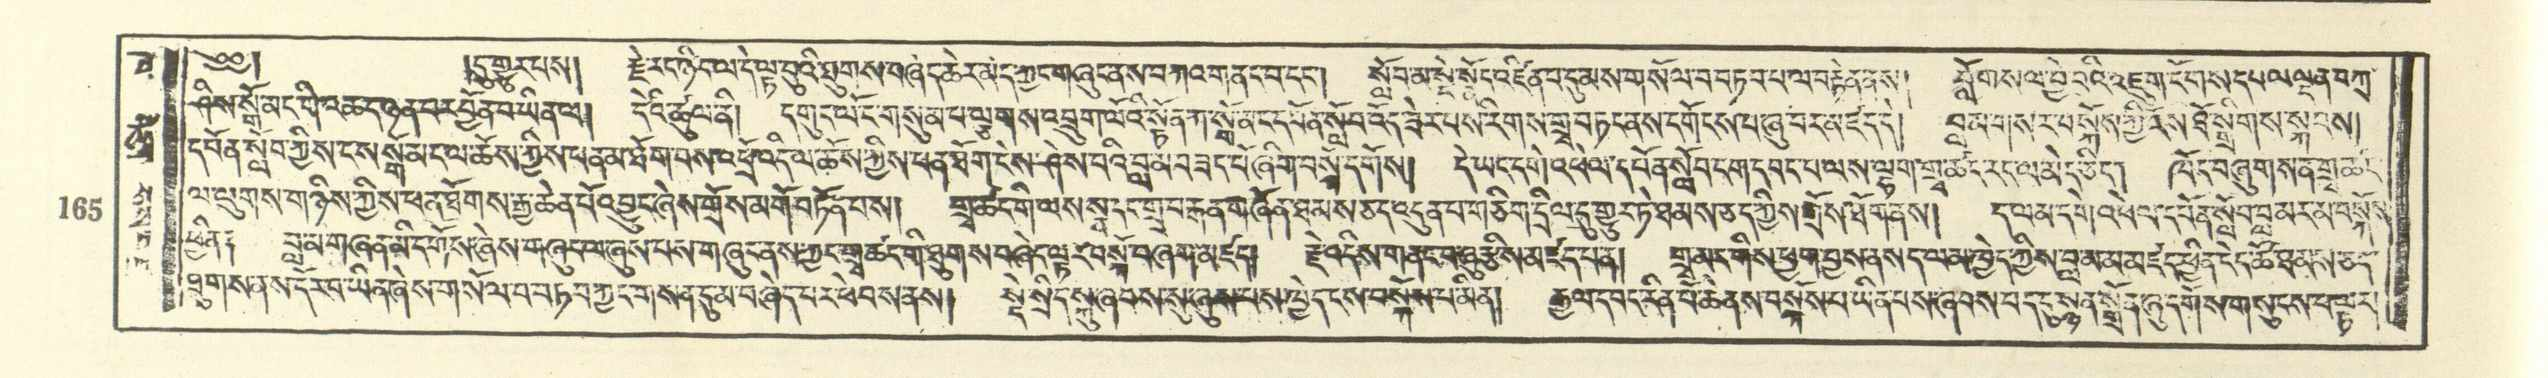༄༅། །དུ་གྱུར་པས། རྗེ་རང་ཉིད་ལ་དེ་ལྟ་བུའི་ཐུགས་བཞེད་ཆེར་མེད་ཀྱང་གཞུང་ནས་བཀའ་གནང་བ་དང་། སློབ་མ་སྡེ་སྣོད་འཛིན་པ་དུ་མས་གསོལ་བ་བཏབ་པ་ལ་བརྟེན་ནས། བློ་གསལ་བྱེ་བའི་འཇུག་ངོགས་དཔལ་ལྡན་བཀྲ་
ཤིས་སྒོ་མང་གི་འཆད་ཉན་པར་བྱོན་པ་ཡིན་ལ། དེའི་ཚུལ་ནི། དགུང་ལོ་ང་གསུམ་པ་ལྕགས་འབྲུག་ལོའི་སྟོན་ཀ་སྒོ་མང་དཔོན་སློབ་འོད་ཟེར་པས་རིགས་གྲྭ་བཏང་ནས་དགོངས་པ་ཞུ་བར་མཛད་དེ། བླ་མ་གསར་བསྐོས་ཀྱི་འོས་ཐོ་སྒྲིགས་སྐབས།
དཔོན་སློབ་ཀྱིས་ངས་སྒོ་མང་ལ་ཆོས་ཀྱིས་ཕན་མ་ཐོག་པས་འཕྲོ་འདི་ལ་ཆོས་ཀྱིས་ཕན་ཐོག་ངེས་ཤེས་པའི་བླ་མ་བཟང་པོ་ཞིག་བསྐོ་དགོས། དེ་ཡང་དགེ་འཕེལ་དཔོན་སློབ་ངག་དབང་པ་ལས་ལྷག་གྲྭ་ཚང་རང་ལ་མེད་ཅིང་། ཁོང་བཞུགས་ན་གྲྭ་ཚང་
ལ་ལུགས་གཉིས་ཀྱིས་ཕན་ཐོགས་རྒྱ་ཆེན་པོ་འབྱུང་ཞེས་གྲོས་མགོ་བཏོན་པས། གྲྭ་ཚང་གི་ལས་སྣ་དང་གྲྭ་པ་རྒན་གཞོན་ཐམས་ཅད་འདུན་པ་གཅིག་དྲིལ་དུ་གྱུར་ཏེ་ཐམས་ཅད་ཀྱིས་གྲོས་ཐོག་ནས། ད་ལམ་དགེ་འཕེལ་དཔོན་སློབ་བླ་མར་མ་བསྐོས་
ཕྱིན༑ བླ་མ་གཞན་མི་དགོས་ཞེས་གཞུང་ལ་ཞུས་པས་གཞུང་ནས་ཀྱང་གྲྭ་ཚང་གི་ཐུགས་བཞེད་ལྟར་བསྐོ་བཞག་མཛད། རྗེ་འདིས་གནང་བ་ཞུ་རྩིས་མཛད་པ་ན། གྲྭ་མང་གིས་ཕྱག་བྱས་ནས་ད་ལམ་ཁྱེད་ཀྱིས་བླ་མ་མཛད་ཕྱིན་ངེད་ཚོ་ཐམས་ཅད་
ཐུགས་ནས་དོར་བ་ཡིན་ཞེས་གསོལ་བ་བཏབ་ཀྱང་གསན་དུ་མ་བཞེད་པར་ཕེབས་ནས། སྡེ་སྲིད་སྐུ་ཞབས་སུ་ཞུས་པས་ཁྱེད་ངས་བསྐོས་པ་མིན། རྒྱལ་དབང་རིན་པོ་ཆེ་ནས་བསྐོས་པ་ཡིན་པས་ཞབས་པད་བུ་སྙན་སྒྲོན་ཞུ་དགོས་གསུངས་པ་ལྟར།